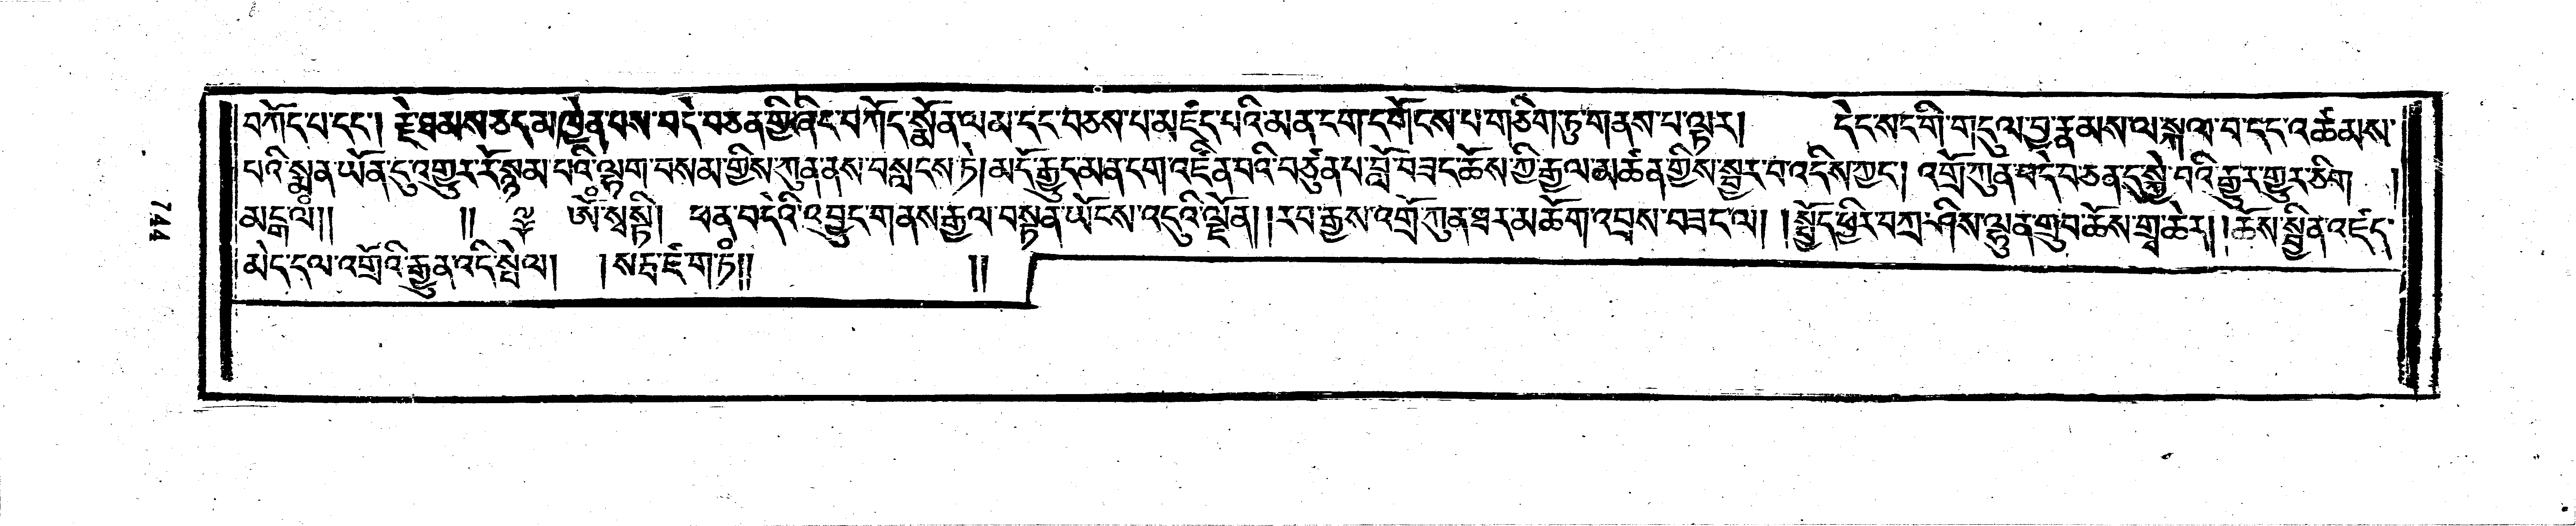བཀོད་པ་དང་། རྗེ་ཐམས་ཅད་མཁྱེན་པས་བདེ་བ་ཅན་གྱི་ཞིང་བཀོད་སྨོན་ལམ་དང་བཅས་པ་མཛད་པའི་མན་ངག་དགོངས་པ་གཅིག་ཏུ་གནས་པ་ལྟར། དེང་སང་གི་གདུལ་བྱ་རྣམས་ལ་སྐལ་བ་དང་འཚམས་
པའི་སྨན་ཡོན་དུ་འགྱུར་རོ་སྙམ་པའི་ལྷག་བསམ་གྱིས་ཀུན་ནས་བསླངས་ཏེ། མདོ་རྒྱུད་མན་ངག་འཛིན་པའི་བཙུན་པ་བློ་བཟང་ཆོས་ཀྱི་རྒྱལ་མཚན་གྱིས་སྦྱར་བ་འདིས་ཀྱང་། འགྲོ་ཀུན་བདེ་བ་ཅན་དུ་སྐྱེ་བའི་རྒྱུར་གྱུར་ཅིག །
མངྒ་ལཾ།། །། ༈ ཨོཾ་སྭ་སྟི། ཕན་བདེའི་འབྱུང་གནས་རྒྱལ་བསྟན་ཡོངས་འདུའི་ལྗོན། །རབ་རྒྱས་འགྲོ་ཀུན་ཐར་མཆོག་འབྲས་བཟང་ལ། །སྤྱོད་ཕྱིར་བཀྲ་ཤིས་ལྷུན་གྲུབ་ཆོས་གྲྭ་ཆེར། །ཆོས་སྦྱིན་འཛད་
མེད་དལ་འགྲོའི་རྒྱུན་འདི་སྤེལ། །སརྦ་ཛ་ག་ཏཾ།། །